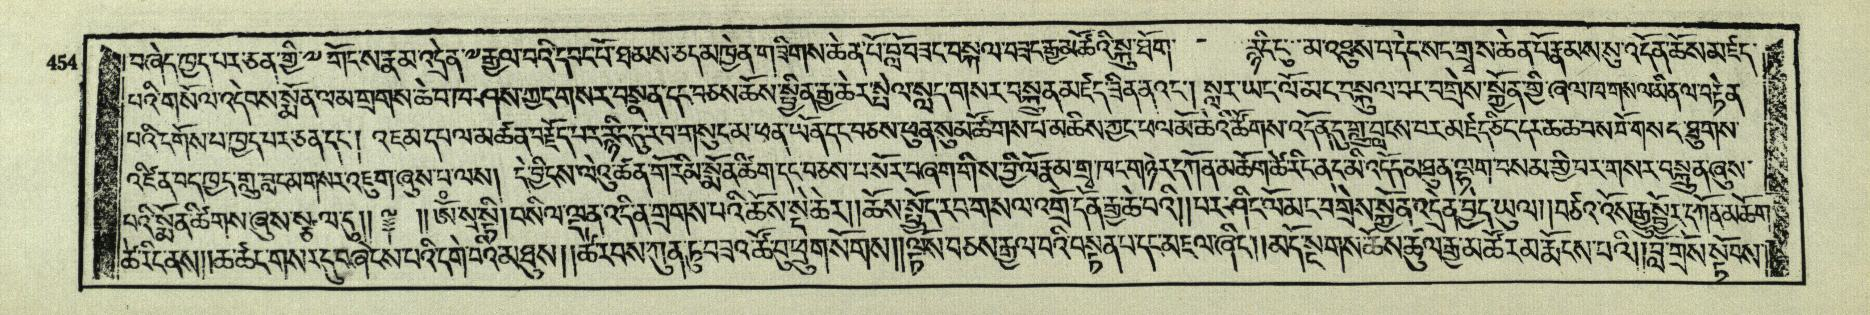བཞེད་ཁྱད་པར་ཅན་གྱི ༧གོང་ས་རྣམ་འདྲེན ༧རྒྱལ་བའི་དབང་པོ་ཐམས་ཅད་མཁྱེན་གཟིགས་ཆེན་པོ་བློ་བཟང་བསྐལ་བཟང་རྒྱ་མཚོའི་སྐུ་ཐོག་རྙིང་དུ་མ་འཐུས་བ་དེང་སང་གྲྭ་ས་ཆེན་པོ་རྣམས་སུ་འདོན་ཆོས་མཛད་
པའི་གསོལ་འདེབས་སྨོན་ལམ་གྲགས་ཆེ་བ་ཁ་ཤས་ཀྱང་གསར་བསྣན་དང་བཅས་ཆོས་སྦྱིན་རྒྱ་ཆེར་སྤེལ་སླད་གསར་བསྐྲུན་མཛད་ཟིན་ནའང་། སླར་ཡང་ལོ་མང་བསྐུལ་བར་བགྲེས་སྐྱོན་གྱི་ཞལ་ཁ་གསལ་མིན་ལ་བརྟེན་
པའི་དགོས་པ་ཁྱད་པར་ཅན་དང་། འཇམ་དཔལ་མཚན་བརྗོད་པར་རྙིང་དུ་རབ་གསུང་མ་ཕན་ཡོན་དང་བཅས་ཕུན་སུམ་ཚོགས་པ་མཆིས་ཀྱང་ཕལ་མོ་ཆེའི་ཚོགས་འདོན་དུ་གླུ་བླངས་བར་མཛད་ཅིང་དར་ཆ་ཆ་བས་བོ་གསང་ཐུགས་
འཛིན་བད་ཁྱད་གླུ་བླང་མ་གསར་འཇུག་ཞུས་པ་ལས། དེ་བྱིངས་ལེའུ་ཚན་གོ་རིམ་སྨོན་ཚིག་དང་བཅས་པ་སོར་བཞག་གིས་བྱི་ལོ་རྣམ་གྲྭ་ཁང་གཉེར་དཀོན་མཆོག་ཚེ་རིང་ནང་མི་འདོད་མཐུན་ལྷག་བསམ་གྱི་པར་གསར་བསྐྲུན་ཞུས་
པའི་སྨོན་ཚིགས་ཞུས་སྩལ་དུ།། འ་།།ཨོཾ་སྲ་སྟི། བསིལ་ལྡན་འདི་ན་གྲགས་པའི་ཆོས་སྡེ་ཆེར། །ཆོས་སྤྱོད་རབ་གསལ་འགྲོ་དོན་རྒྱ་ཆེ་བའི། །པར་ཤིང་ལོ་མང་བགྲེས་སྐྱོན་འདྲེན་བྱེད་ཡུལ། །བཙའ་འོས་རྒྱུ་སྦྱོར་དཀོན་མཆོག་
ཚེ་རིང་ནས། །ཆ་ཚང་གསར་དུ་བཞེངས་པའི་དགེ་བའི་མཐུས། །ཚེ་རབས་ཀུན་ཏུ་བཟའ་ཚོ་བུ་ཕྲུག་སོགས། །ལྟོས་བཅས་རྒྱལ་བའི་བསྟན་པ་དང་མཇལ་ཞིང་། །མདོ་སྔགས་ཆོས་ཚུལ་རྒྱ་མཚོར་མ་རྨོངས་པའི། །བློ་གྲོས་སྟོབས་